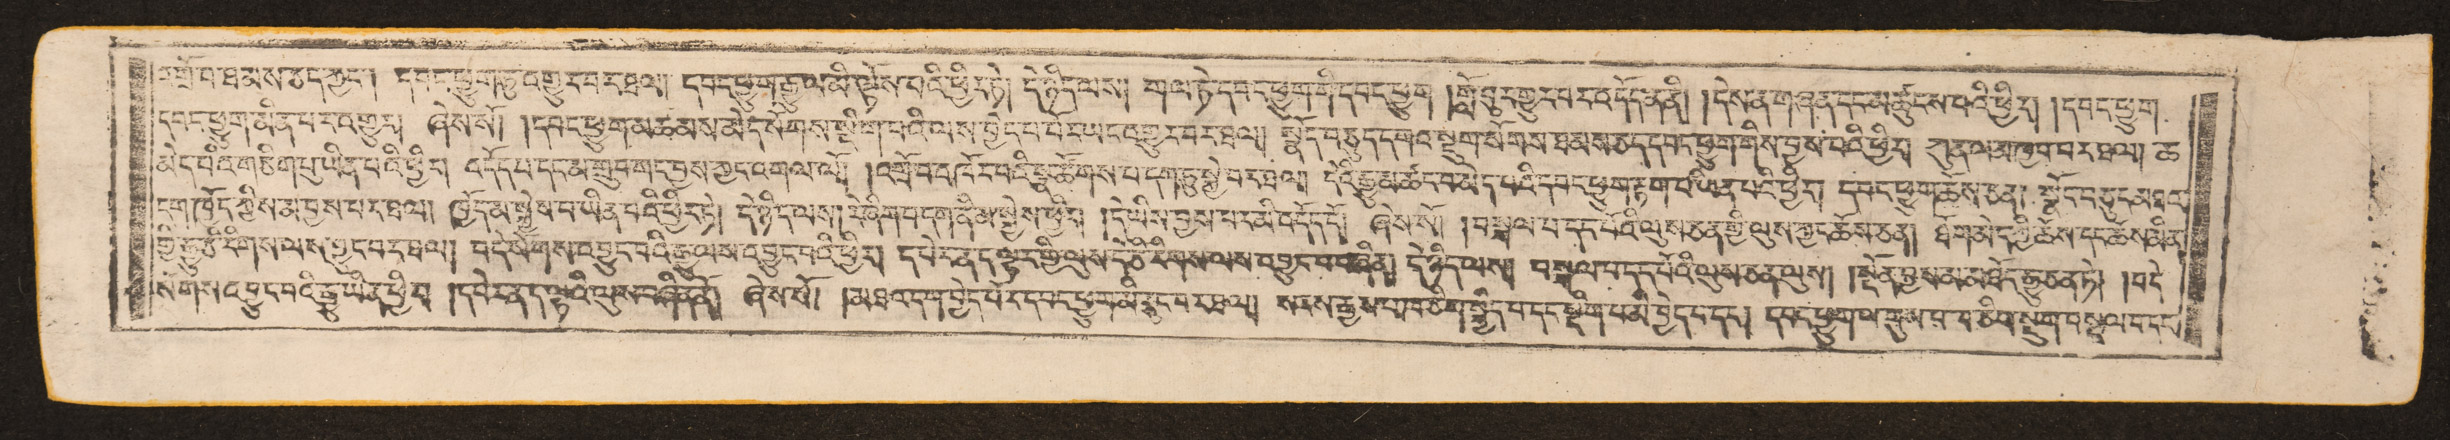འགྲོ་བ་ཐམས་ཅད་ཀྱང་། དབང་ཕྱུག་ཏུ་འགྱུར་བར་ཐལ། དབང་ཕྱུག་རྒྱུ་ལ་མི་ལྟོས་པའི་ཕྱིར་ཏེ། དེ་ཉིད་ལས། གལ་ཏེ་དབང་ཕྱུག་གི་དབང་ཕྱུག །གློ་བུར་གྱུར་བར་འདོད་ན་ནི། །དེས་ན་གཞན་དང་མཚུངས་པའི་ཕྱིར། །དབང་ཕྱུག་
དབང་ཕྱུག་མིན་པར་འགྱུར། ཞེས་སོ་།དབང་ཕྱུག་མཚམས་མེད་སོགས་སྡིག་པའི་ལས་བྱེད་པ་པོར་ཡང་འགྱུར་བར་ཐལ། སྣོད་བཅུད་དགའ་སྡུག་སོགས་ཐམས་ཅད་དབང་ཕྱུག་གིས་བྱས་པའི་ཕྱིར། ཀུན་ལམ་ཁྱབ་པར་ཐལ། ཆ་
མེད་པའི་གཅིག་པུ་ཡིན་པའི་ཕྱིར། འདོད་པ་དང་མ་གྲུབ་གང་བྱས་ཀྱང་འགལ་ལོ། །འགྲོ་བ་འཁོར་བའི་སྣ་ཚོགས་བདག་ཏུ་སྐྱེ་བར་ཐལ། དེའི་རྒྱུ་མཚང་བ་མེད་པའི་དབང་ཕྱུག་རྟག་པ་ཡིན་པའི་ཕྱིར། དབང་ཕྱུག་ཆོས་ཅན། སྣོད་བཅུད་མཐའ་
དག་ཁྱོད་ཀྱིས་མ་བྱས་པར་ཐལ། ཁྱོད་མ་སྐྱེས་པ་ཡིན་པའི་ཕྱིར་ཏེ། དེ་ཉིད་ལས། རེ་ཞིག་བདག་ནི་མ་སྐྱེས་ཕྱིར། །དེ་ཡིས་བྱས་པར་མི་འདོད་དོ། ཞེས་སོ། །བསྐལ་པ་དང་པོའི་ལུས་ཅན་གྱི་ལུས་ཀྱང་ཆོས་ཅན། ཐོག་མེད་ཀྱི་ཆོས་དང་ཆོས་མིན་
གྱི་རྒྱུ་ཅི་རིགས་ལས་བྱུང་བར་ཐལ། བདེ་སོགས་འབྱུང་པའི་རྒྱུ་ལས་འབྱུང་བའི་ཕྱིར། དཔེར་ན་ད་ལྟར་གྱི་ལུས་དེ་ཅི་རིགས་ལས་འབྱུང་བ་བཞིན། དེ་ཉིད་ལས། བསྐལ་པ་དང་པོའི་ལུས་ཅན་ལུས། །སྔོན་བྱས་མ་མཐོང་རྒྱུ་ཅན་ཏེ། །བདེ་
སོགས་འབྱུང་པའི་རྒྱུ་ཡིན་ཕྱིར། །དཔེར་ན་ད་ལྟའི་ལུས་བཞིན་ནོ། ཞེས་སོ། །མཐའ་དག་བྱེད་པོར་དབང་ཕྱུག་མི་རུང་པར་ཐལ། སངས་རྒྱས་པ་ཁ་ཅིག་སྐྱིད་པ་དང་སྡིག་པ་མི་བྱེད་པ་དང་། དབང་ཕྱུག་ལ་གུས་པ་ཁ་ཅིག་སྡུག་བསྔལ་བ་དང་